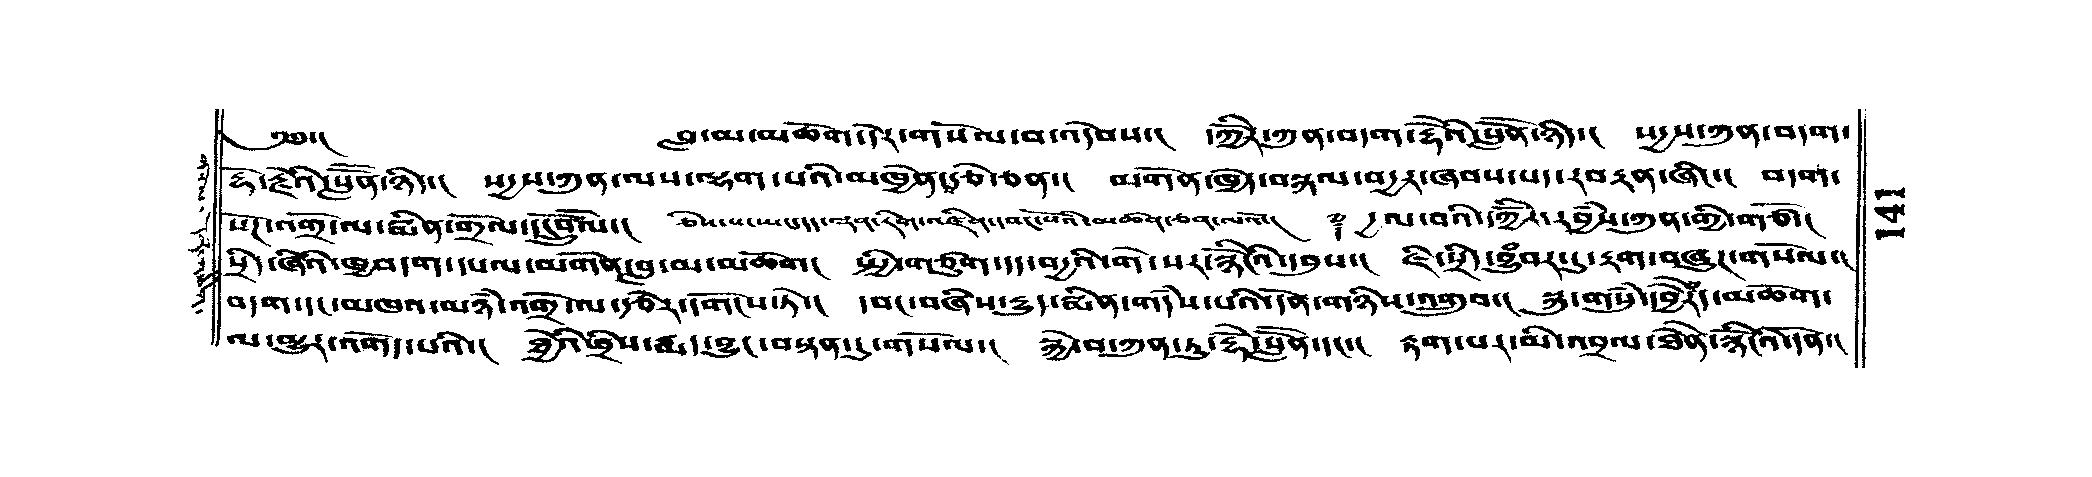བླ་མ་མཆོག་དེར་གསོལ་བ་འདེབས། །དཀྱིལ་འཁོར་ཀུན་བདག་རྡོ་རྗེའི་སློབ་དཔོན་ཉིད། །སངས་རྒྱས་ཀུན་བདག་
རྡོ་རྗེའི་སློབ་དཔོན་ཉིད། །སངས་རྒྱས་ཀུན་ལས་ལྷག་པའི་མཁྱེན་བརྩེ་ཅན། །མགོན་ཁྱོད་བསྐལ་བརྒྱར་ཞབས་པད་རབ་བརྟན་ཞིང་། །བདག་
སོགས་འགྲོ་ལ་སྨིན་གྲོལ་དངོས་གྲུབ་སྩོལ། ཅེས་པ་ཡང་དད་ལྡན་རིག་འཛིན་དབང་པོའི་མཚན་ཅན་ལའོ།། ༈ རྒྱལ་བའི་དཀྱིལ་འཁོར་རབ་འབྱམས་ཀུན་གྱི་གཙོ། །
སྲིད་ཞིའི་ཁྱབ་བདག་དཔལ་མགོན་བླ་མ་མཆོག །སྤྱི་གཙུག་དད་བརྒྱའི་གེ་སར་སྙིང་པོའི་དབུས། །ཇི་སྲིད་བྱང་ཆུབ་བར་དུ་རྟག་བཞུགས་གསོལ། །
བདག་དང་མཁའ་མཉམ་འགྲོ་ལ་བརྩེར་དགོངས་ཏེ། །དབང་བཞིས་རྒྱུད་སྨིན་གདམས་པའི་དོན་གཉིས་འགྲུབ། །སྐུ་གསུམ་དབྱེར་མེད་མཆོག་
ལ་མྱུར་འགོད་པའི། །ཐུགས་རྗེའི་ཕྲིན་ལས་རྨད་བྱུང་བསྟན་དུ་གསོལ། །སྐྱེ་བ་ཀུན་ཏུ་རྡོ་རྗེ་སློབ་དཔོན་དང་། །རྟག་པར་མི་འབྲལ་ཐེག་ཆེན་སྙིང་རྗེའི་དོན།